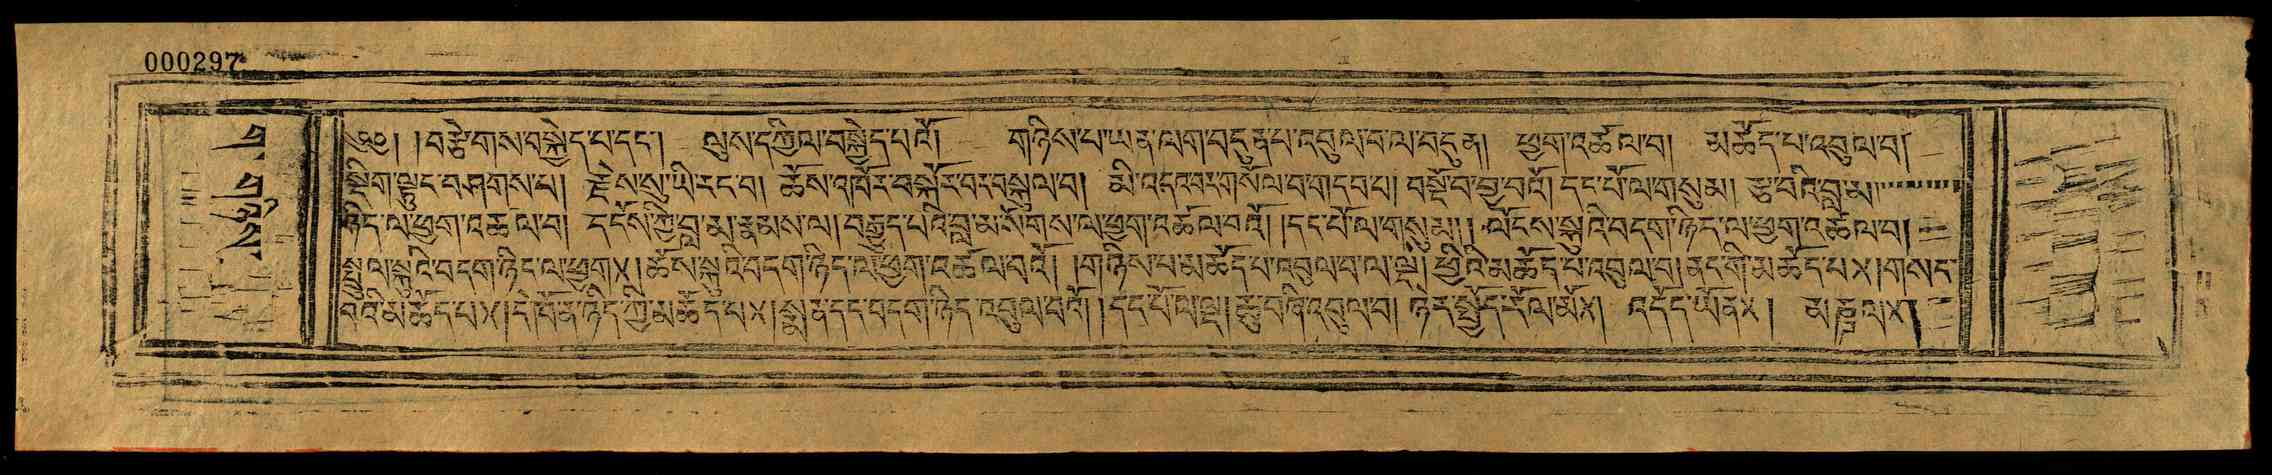༄༅། །བརྩེགས་བསྐྱེད་པ་དང་། ལུས་དཀྱིལ་བསྐྱེད་པའོ། །གཉིས་པ་ཡན་ལག་བདུན་པ་འབུལ་བ་ལ་བདུན། ཕྱག་འཚལ་བ། མཆོད་པ་འབུལ་བ།
སྡིག་ལྟུང་བཤགས་པ། རྗེས་སུ་ཡི་རང་བ། ཆོས་འཁོར་བསྐོར་བར་བསྐུལ་བ། མི་འདའ་བར་གསོལ་བ་གདབ་པ། བསྔོ་བ་བྱ་བའོ། །དང་པོ་ལ་གསུམ། རྩ་བའི་བླ་མ་
ཉིད་ལ་ཕྱག་འཚལ་བ། དངོས་ཀྱི་བླ་མ་རྣམས་ལ་྾། བརྒྱུད་པའི་བླ་མ་སོགས་ལ་ཕྱག་འཚལ་བའོ། །དང་པོ་ལ་གསུམ། ལོངས་སྐུའི་བདག་ཉིད་ལ་ཕྱག་འཚལ་བ།
སྤྲུལ་སྐུའི་བདག་ཉིད་ལ་ཕྱག་྾། ཆོས་སྐུའི་བདག་ཉིད་ལ་ཕྱག་འཚལ་བའོ། །གཉིས་པ་མཆོད་པ་འབུལ་པ་ལ་ལྔ། ཕྱིའི་མཆོད་པ་འབུལ་བ། ནང་གི་མཆོད་པ་྾། གསང་
བའི་མཆོད་པ་྾། དེ་ཁོ་ན་ཉིད་ཀྱི་མཆོད་པ་྾། སྨན་དང་བདག་ཉིད་འབུལ་བའོ། །དང་པོ་ལ་ལྔ། ཆུ་བཞི་འབུལ་བ། ཉེར་སྤྱོད་རོལ་མོ་྾། འདོད་ཡོན་྾། མཎྜལ་྾།